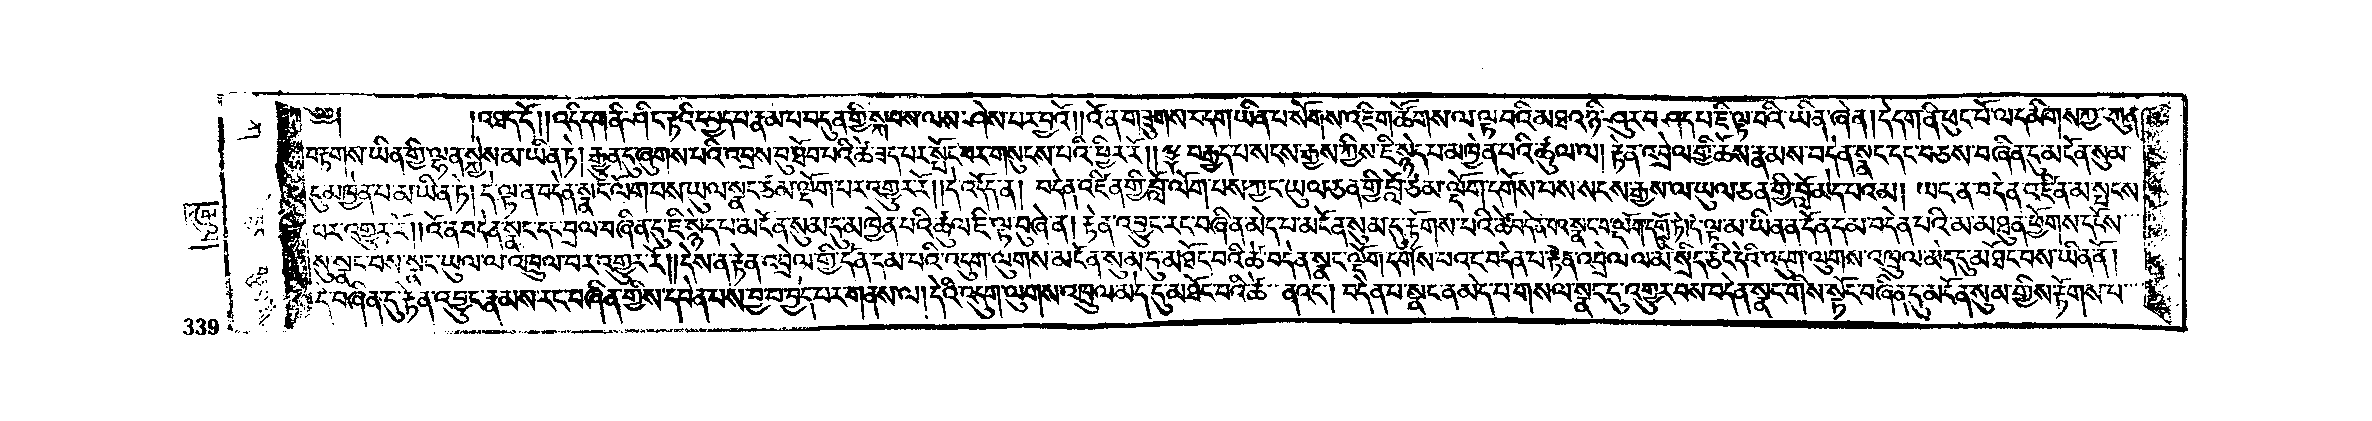༄༅། །འཐད་དོ། །འདི་དག་ནི་ཤིང་རྟའི་དཔྱད་པ་རྣམ་པ་བདུན་གྱི་སྐབས་ལས་ཤེས་པར་བྱའོ། །འོ་ན་གཟུགས་བདག་ཡིན་པ་སོགས་འཇིག་ཚོགས་ལ་ལྟ་བའི་མཐའ་ཉི་ཤུར་བཤད་པ་ཇི་ལྟ་བའི་ཡིན་ཞེ་ན། དེ་དག་ནི་ཕུང་པོ་ལ་དམིགས་ཀྱི་ཀུན་
བརྟགས་ཡིན་གྱི་ལྷན་སྐྱེས་མ་ཡིན་ཏེ། རྒྱུན་དུ་ཞུགས་པའི་འབྲས་བུ་ཐོབ་པའི་ཚེ་ཟད་པར་སྤོང་བར་གསུངས་པའི་ཕྱིར་རོ། ། ༈ བརྒྱད་པ་སངས་རྒྱས་ཀྱིས་ཇི་སྙེད་པ་མཁྱེན་པའི་ཚུལ་ལ། རྟེན་འབྲེལ་གྱི་ཆོས་རྣམས་བདེན་སྣང་དང་བཅས་བཞིན་དུ་མངོན་སུམ་
དུ་མཁྱེན་པ་མ་ཡིན་ཏེ། དེ་ལྟ་ན་བདེན་སྣང་ལོག་པས་ཡུལ་སྣང་ཙམ་ལྡོག་པར་འགྱུར་རོ། །དེ་འདོད་ན། བདེན་འཛིན་གྱི་བློ་ལོག་པས་ཀྱང་ཡུལ་ཅན་གྱི་བློ་ཙམ་ལྡོག་དགོས་པས་སངས་རྒྱས་ལ་ཡུལ་ཅན་གྱི་བློ་མེད་པའམ། ཡང་ན་བདེན་འཛིན་མ་སྤངས་
པར་འགྱུར་རོ། །འོ་ན་བདེན་སྣང་དང་བྲལ་བཞིན་དུ་ཇི་སྙེད་པ་མངོན་སུམ་དུ་མཁྱེན་པའི་ཚུལ་ཇི་ལྟ་བུ་ཞེ་ན། རྟེན་འབྱུང་རང་བཞིན་མེད་པ་མངོན་སུམ་དུ་རྟོགས་པའི་ཚེ་བདེན་པའི་སྣང་བ་ལྡོག་དགོས་ཏེ། དེ་ལྟ་མ་ཡིན་ན་དོན་དམ་བདེན་པའི་མ་མཐུན་ཕྱོགས་དངོས་
སུ་སྣང་བས་སྣང་ཡུལ་ལ་འཁྲུལ་བར་འགྱུར་རོ། །དེས་ན་རྟེན་འབྲེལ་གྱི་དོན་དམ་པའི་འདུག་ལུགས་མངོན་སུམ་དུ་མཐོང་བའི་ཚེ་བདེན་སྣང་ལྡོག་དགོས་པའང་བདེན་པ་རྟེན་འབྲེལ་ལ་མི་སྲིད་ཅིང་དེའི་འདུག་ལུགས་འཁྲུལ་མེད་དུ་མཐོང་བས་ཡིན་ནོ། །
དེ་བཞིན་དུ་རྟེན་འབྱུང་རྣམས་རང་བཞིན་གྱིས་དབེན་པས་བྱ་བ་བྱེད་པར་གནས་ལ། དེའི་འདུག་ལུགས་འཁྲུལ་མེད་དུ་མཐོང་བའི་ཚེ་ནའང་། བདེན་པ་སྣང་ན་མེད་པ་གསལ་སྣང་དུ་འགྱུར་བས་བདེན་སྣང་གིས་སྟོང་བཞིན་དུ་མངོན་སུམ་གྱིས་རྟོགས་པ་